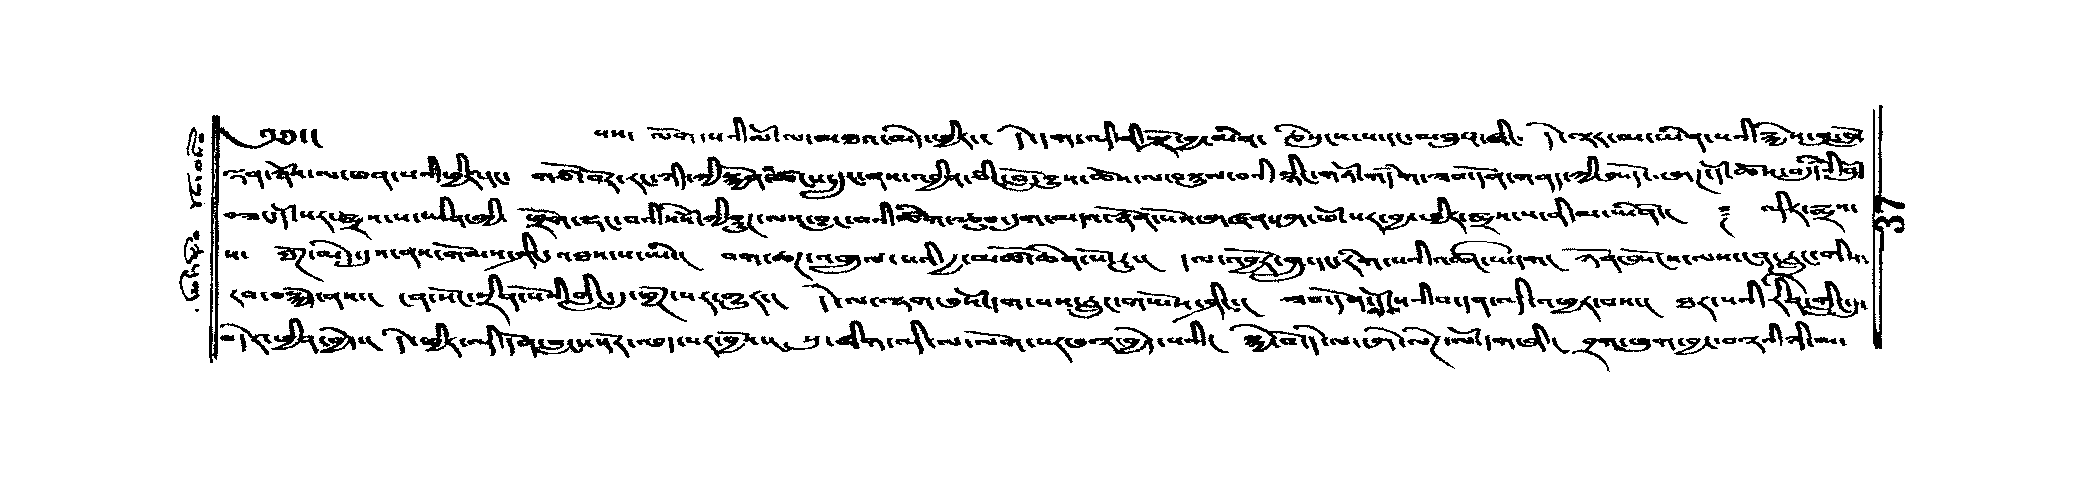པས། ལོག་པའི་ལམ་ལ་མཐའ་མེད་ཕྱིར། །དེ་དག་འདི་ནི་སྤྲོ་བྱ་མིན། ། ཞེས་གསུངས་པ་དང་མཐུན་ཞིང་། དེ་ལྟར་མ་ཡིན་པའི་སྐྱེས་བུ་བློ་
ལྡན་རྣམས་ལ་ཕན་པའི་ཕྱིར་དང་། གཙོ་བོར་རང་ཉིད་ཀྱི་སྐྱོན་མཚང་དྲུང་ནས་འབྱིན་ཅིང་བློ་ནུས་ཆོས་ལ་བསྐུལ་བའི་སྙིང་གཏམ་གདམས་ངག་ཟབ་དོན་གནད་ཀྱི་མདོ་འགག་དམ་ཆོས་བདུད་རྩི་བུམ་
བཟང་དམ་པར་སྨྲས་པ་ཡིན་གྱི། ཕྲག་དོག་སྡང་བའི་སེམས་ཀྱི་ཤུགས་ལས་བྱུང་བའི་ཚིག་རྩུབ་དུག་མདའ་རྣོན་པོས་གཞན་དག་ཕམ་པར་བྱ་ཕྱིར་སྨྲས་པ་ནི་མ་ཡིན་ནོ། འདིར་སྨྲས་
པ། ཐོག་མེད་དུས་ནས་གོམས་ཞིང་འཐས་པ་ཡི། །བག་ཆགས་འཁྲུལ་བའི་རྒྱ་མཚོ་ཆེན་པོ་རུ། །དལ་འབྱོར་གྲུ་དང་རིག་པའི་ཚོང་པ་དག །ཉོན་མོངས་ལས་ཉོན་རླུང་གིས་
རབ་བསྐྱོད་ནས། །ངན་སོང་སྲིན་པོའི་གླིང་དུ་ཕྱོགས་པར་འགྱུར། །དེ་ལ་ལྷག་བསམ་དག་པས་རླུང་གཡོས་ཤིང་། །ཟབ་དོན་དམ་པའི་བ་དན་འདི་འཕྱར་བས། །ཐར་བའི་རིན་ཆེན་གླིང་དུ་
བདེར་ཕྱིན་བྱེད། །དེ་ཕྱིར་འདི་དོན་བླང་དོར་འབད་པར་བྱོས། །སུ་ཞིག་འདི་ལ་ལོག་པར་བལྟ་བྱེད་པའི། །སྐྱེ་བོ་དེ་ལ་དགེ་ལེགས་ལམ་དག་ནི། །བྲག་ཕུག་བྱང་བལྟའི་ཉི་མ་